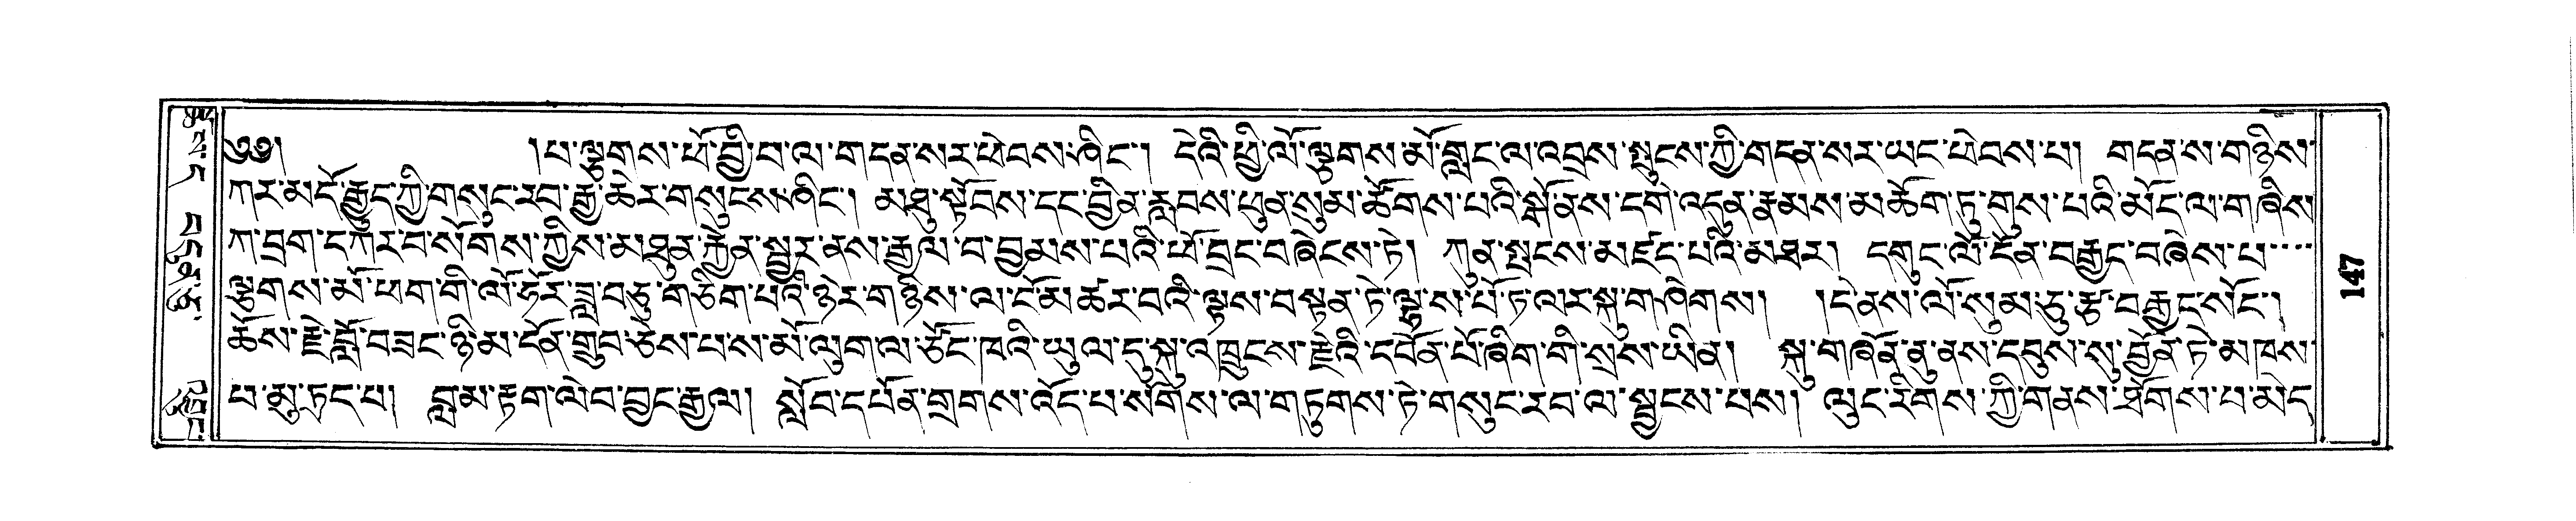༄༅། །པ་ལྕགས་ཕོ་བྱི་བ་ལ་གདན་སར་ཕེབས་ཤིང་། དེའི་ཕྱི་ལོ་ལྕགས་མོ་གླང་ལ་འབྲས་སྤུངས་ཀྱི་གདན་སར་ཡང་ཕེབས་པ། གདན་ས་གཉིས་
ཀར་མདོ་རྒྱུད་ཀྱི་གསུང་རབ་རྒྱ་ཆེར་གསུངས་ཤིང་། མཐུ་སྟོབས་དང་བྱིན་རླབས་ཕུན་སུམ་ཚོགས་པའི་སྒོ་ནས་དགེ་འདུན་རྣམས་མཆོག་ཏུ་གུས་པའི་མདོ་ལ་གཞིས་
ཀ་བྲག་དཀར་བ་སོགས་ཀྱིས་མཐུན་རྐྱེན་སྦྱར་ནས་རྒྱལ་བ་བྱམས་པའི་ཕོ་བྲང་བཞེངས་ཏེ། ཀུན་སྤངས་མཛད་པའི་མཐར། དགུང་ལོ་དོན་བརྒྱད་བཞེས་པ་
ལྕགས་མོ་ཕག་གི་ལོ་ཧོར་ཟླ་བཅུ་གཅིག་པའི་ཉེར་གཉིས་ལ་ངོ་མཚར་བའི་ལྷས་བསྟན་ཏེ་ལྷ་ས་པོ་ཏ་ལར་སྐུ་གཤེགས། །དེ་ནས་ལོ་སུམ་ཅུ་རྩ་བརྒྱད་སོང་།
ཆོས་རྗེ་བློ་བཟང་ཉི་མ་དོན་གྲུབ་ཅེས་པ་ས་མོ་ལུག་ལ་ཙོང་ཁའི་ཡུལ་དུ་སྐུ་འཁྲུངས་རྗེའི་དབོན་པོ་ཞིག་གི་སྲས་ཡིན། སྐུ་གཞོན་ནུ་ནས་དབུས་སུ་བྱོན་ཏེ་མཁས་
པ་མུ་ཏྲད་པ། བླ་མ་རྟག་ལེབ་བྱང་རྒྱལ། སློབ་དཔོན་གྲགས་འོད་པ་སོགས་ལ་གཏུགས་ཏེ་གསུང་རབ་ལ་སྦྱངས་པས། ལུང་རིགས་ཀྱི་གནས་ཐོགས་པ་མེད་